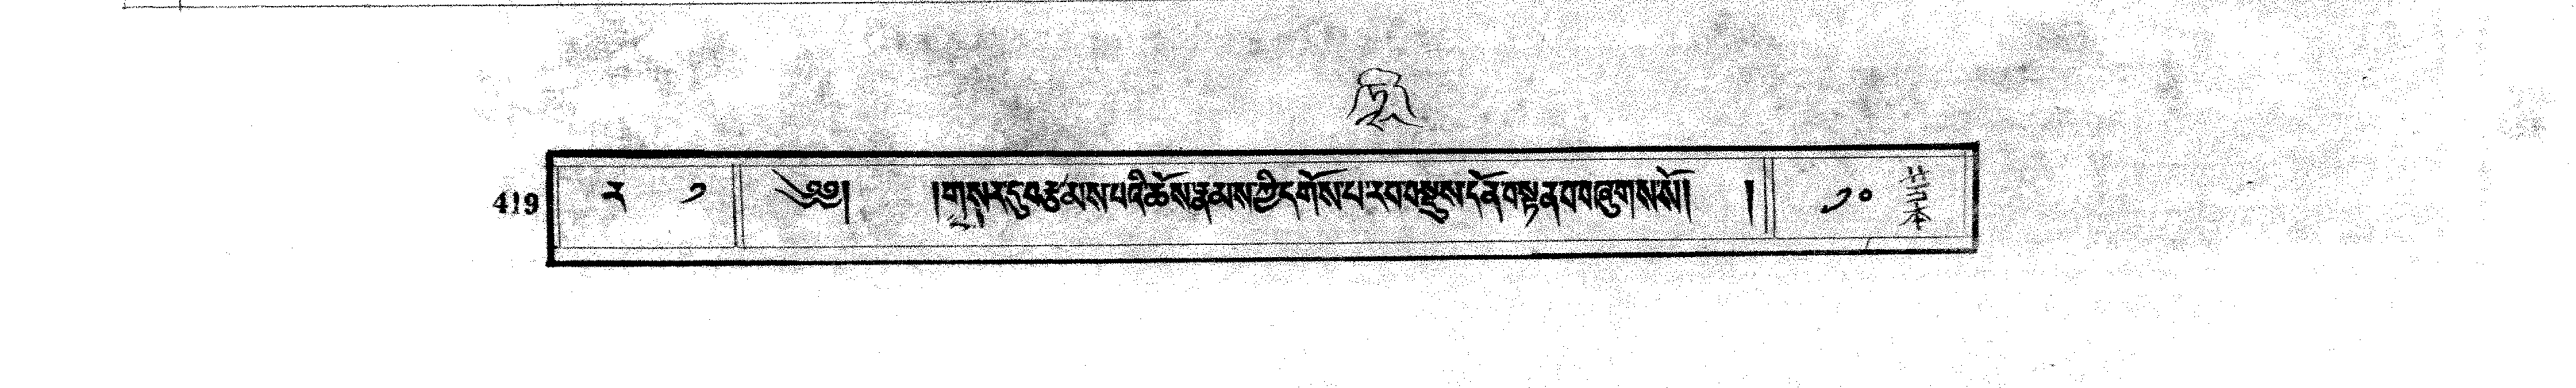ཏ ༢༥?
༄༅། །གསར་དུ་བརྩམས་པའི་ཆོས་རྣམས་ཀྱི་དགོས་པ་རབ་བསྡུས་དོན་བསྟན་པ་བཞུགས་སོ། །